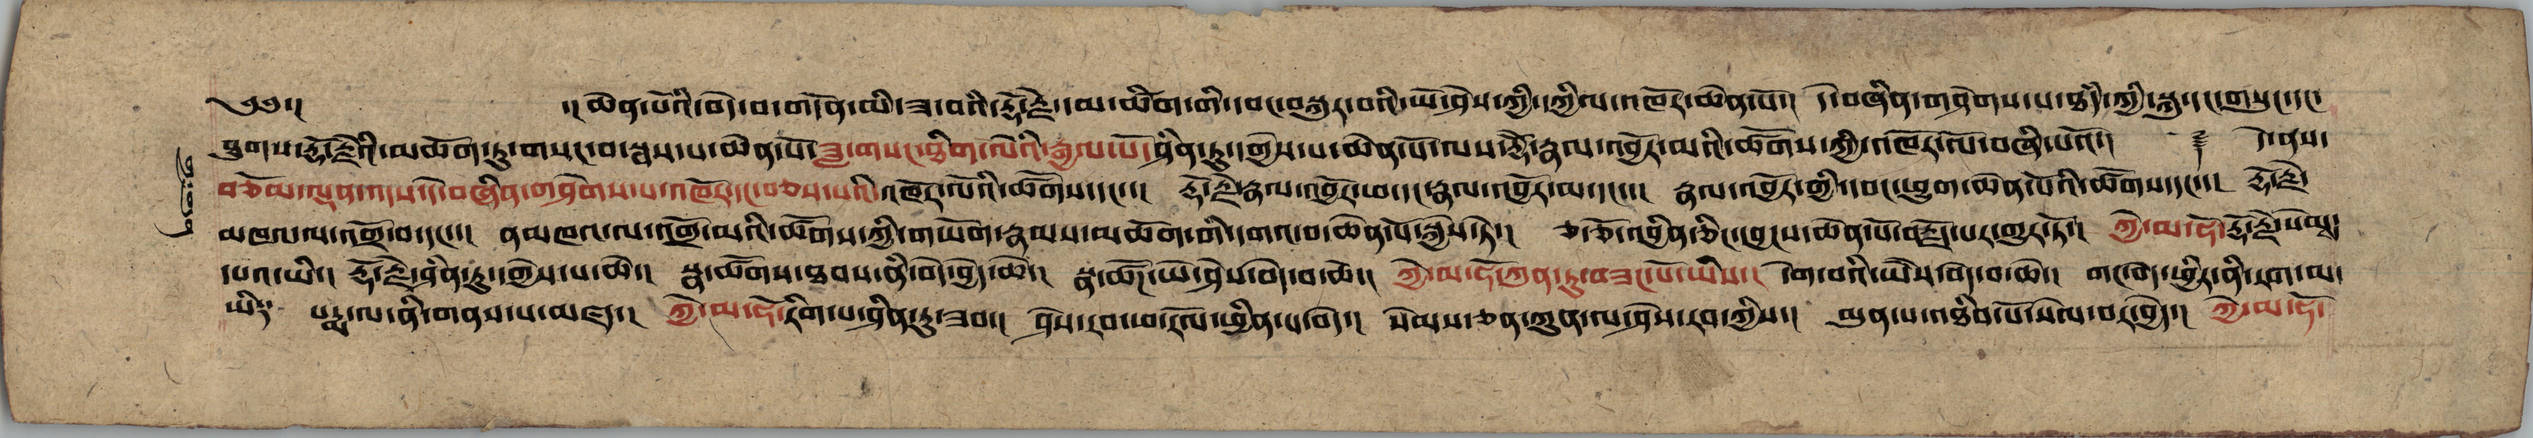༄༅་། ་།ཆེན་པོའི་བདེ་བ་གདོན་མི་ཟ་བའི་རྡོ་རྗེ་དམ་ཚིག་གི་དབང་བསྐུར་བའི་ཡེ་ཤེས་ཀྱི་དཀྱིལ་འཁོར་ཆེན་པོ་། དེ་བཞིན་གཤེགས་པ་ཐཾད་ཀྱིསྐུ་དང་གསུང་དང་
ཐུགས་རྡོ་རྗེའི་མཆོག་ཏུ་གསང་བ་སྦས་པ་ཆེན་པོ་ཟླ་གསང་ཐིག་ལེའི་རྒྱལ་པོ་ཤིན་ཏུ་དགྱེས་པ་ཆེན་པོ་ལས་རྡོེ་རྣལ་འབྱོར་མའི་ཚོགས་ཀྱི་འཁོར་ལོ་བཞི་པའོ་། ༈ དེ་ནས་
བཅོམ་ལྡན་འདས་དེ་བཞིན་གཤེགས་པ་འཁོར་དང་བཅས་པའི་འཁོར་ལོའི་ཚོགས་དང་་། རྡོ་རྗེ་རྣལ་འབྱོར་ཕ་དང་་རྣལ་འབྱོར་མ་དང་་། རྣལ་འབྱོར་གྱི་དབང་ཕྱུག་ཆེན་པོའི་ཚོགས་དང་་། རྡོ་རྗེ་
མཁའ་ལ་འགྲོ་བ་དང་་། ནམཁའ་ལ་འགྲོ་མའི་ཚོགས་ཀྱི་གཡོག་རྣམས་མཆོག་གི་དགའ་བ་ཆེན་པོ་སྐྱེས་ཏེ་། ཅ་ཅོ་འབྱིན་ཅིང་དབྱངས་ཆེན་པོ་བརྗོད་པར་འགྱུར་ཏོ་། ཀྱེ་མ་ཧོ་རྡོ་རྗེ་སེམས་
དཔའ་ཡི་། རྡོ་རྗེ་ཤིན་ཏུ་དགྱེས་པ་ཆེ་། སྣ་ཚོགས་ཐབས་ནི་བདེ་བྱེད་ཆེ་། སྣ་ཚོཌ་ཡེ་ཤེས་བདེ་བ་ཆེ་། ཀྱེ་མ་ཧོ་ཀུན་ཏུ་བཟང་པོ་ཡིས་། དགེ་བའི་ཡཻས་བདེ་བ་ཆེ་། གང་བདེ་ཕྱིར་ནི་རག་མ་
ཡི༑ པདྨ་ལ་ནི་གནས་པ་མཛད་། ཀྱེ་མ་ཧོ་རིག་པ་ཤིན་ཏུ་ཟབ་། ཤེས་རབ་ཕ་རོལ་ཕྱིན་པ་བདེ་། སེམས་ཅན་ཀུན་ལ་ཤེས་རབ་ཀྱིས་། མུན་པ་འཐིབ་པོ་སེལ་བར་བྱེད་། ཀྱེ་མ་ཧོ་